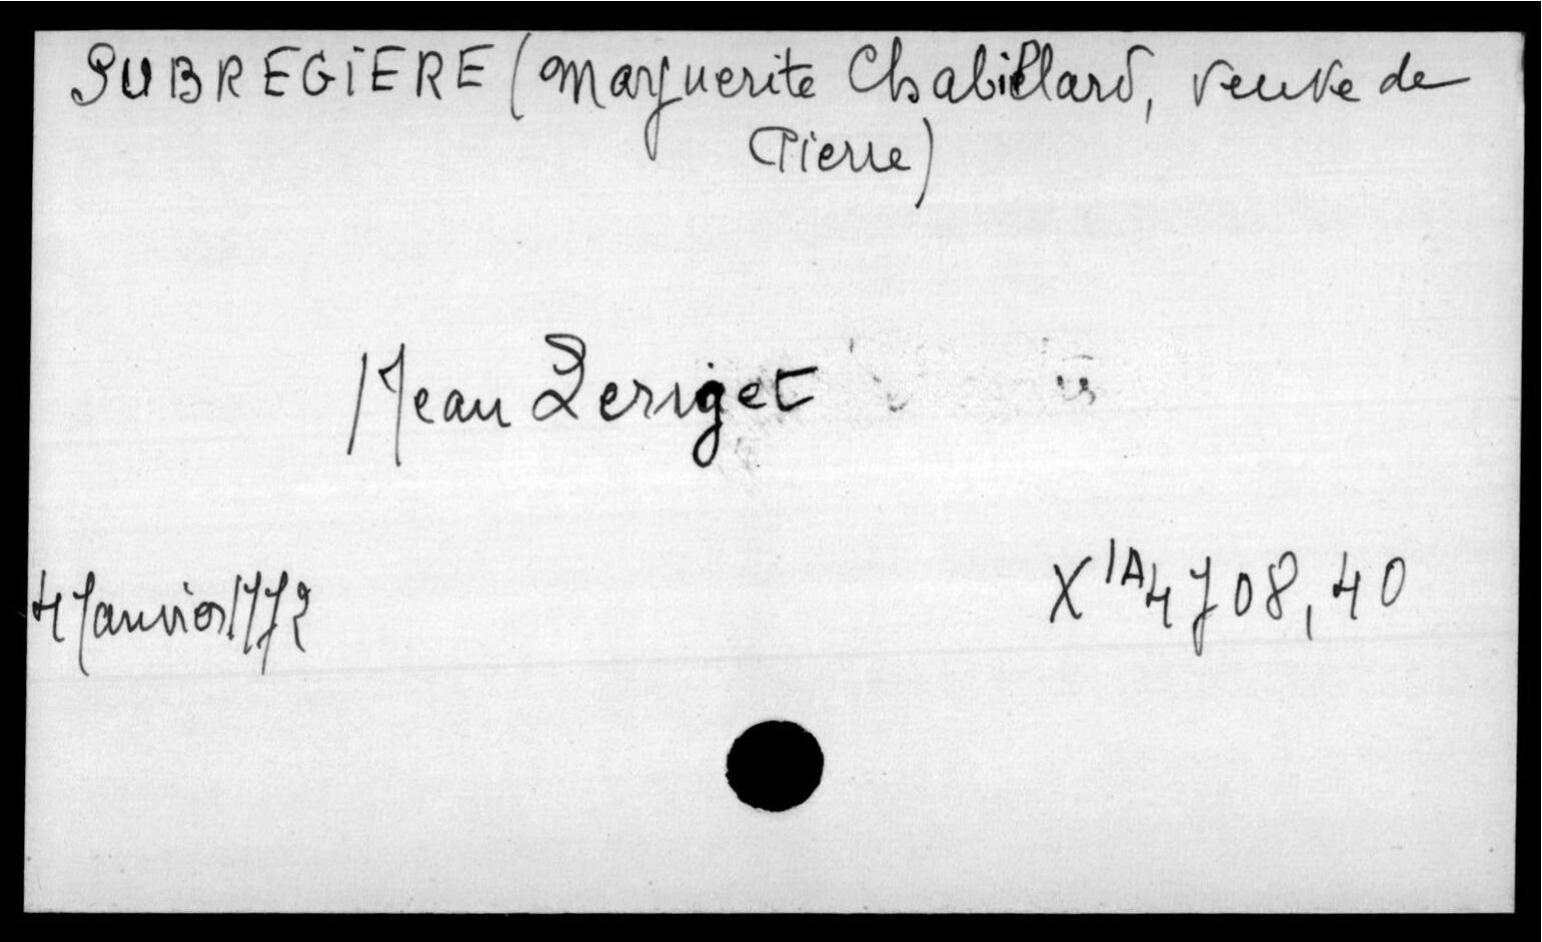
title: SUBREGIERE (Marguerite Chabillard, veuve de Pierre)
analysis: Contre Jean Leriget
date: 4 janvier 1772
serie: X1A
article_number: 4708
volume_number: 40
